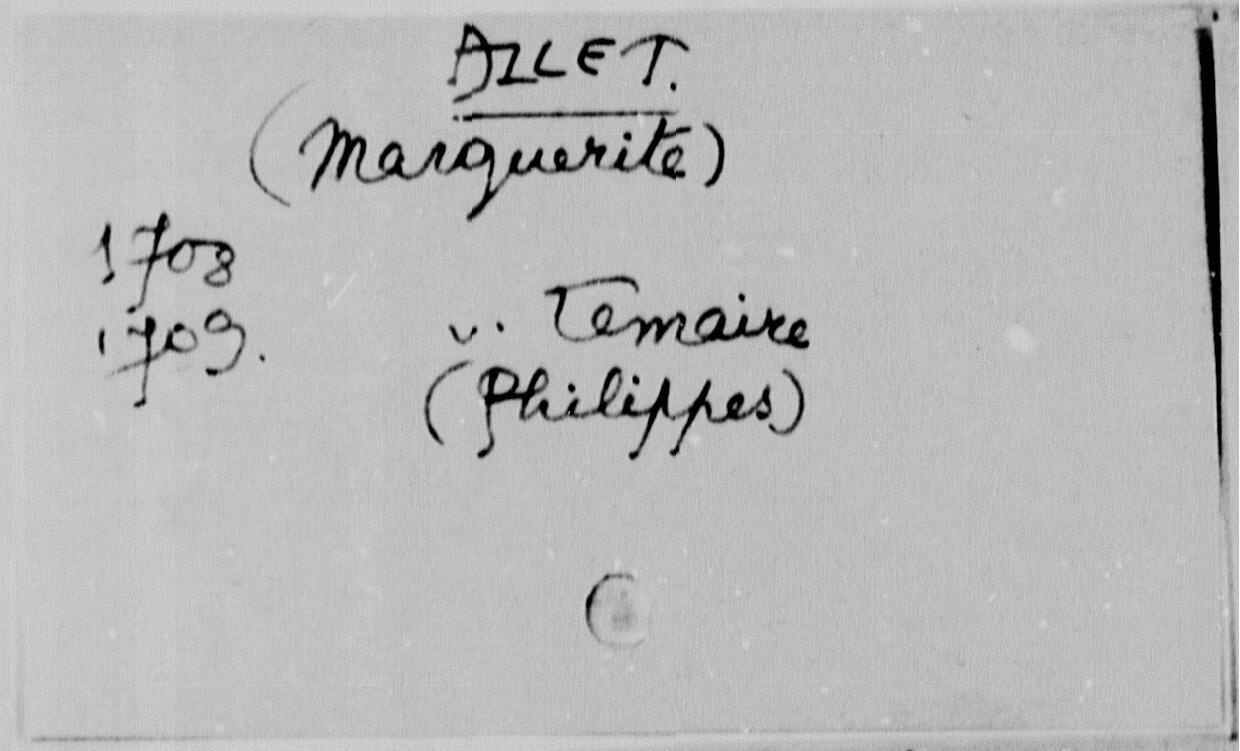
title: ALLET (Madeleine)
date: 1708-1709
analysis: Voir LEMAIRE (Philippes)
